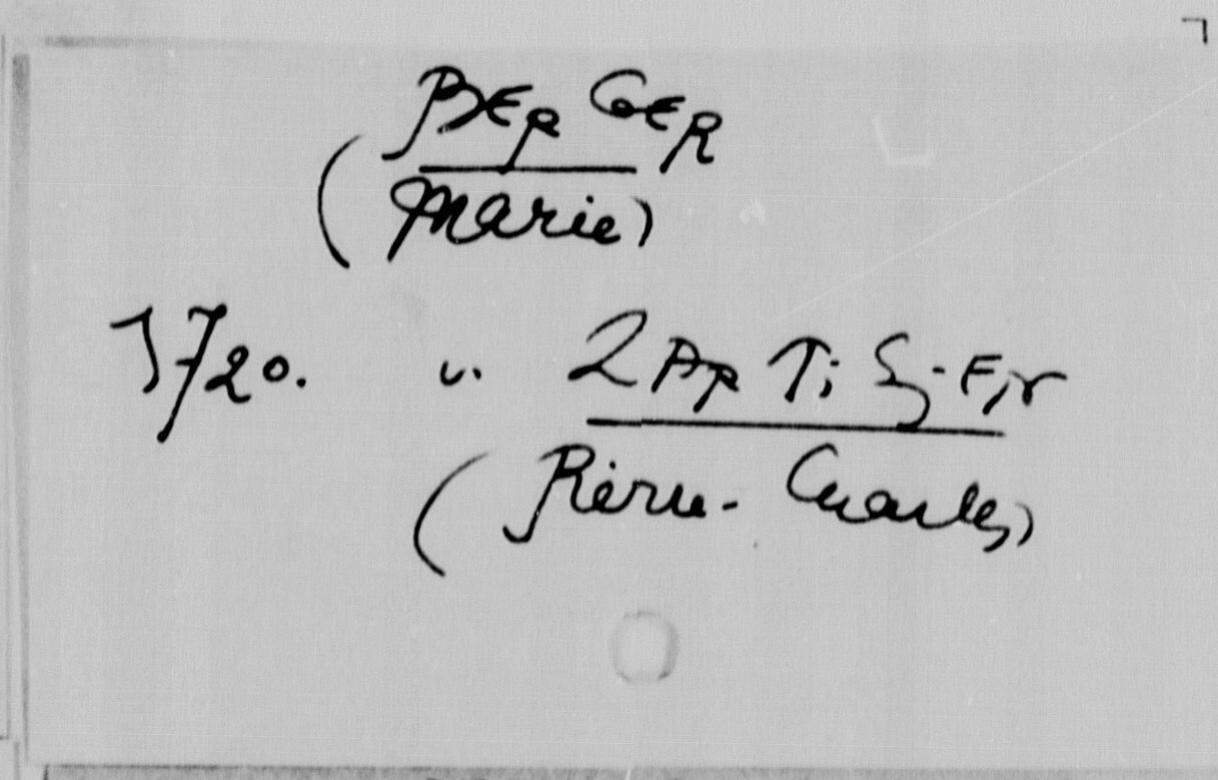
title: BERGER (Marie)
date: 1720
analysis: Voir : LARTIGIEN (Pierre-Charles)
